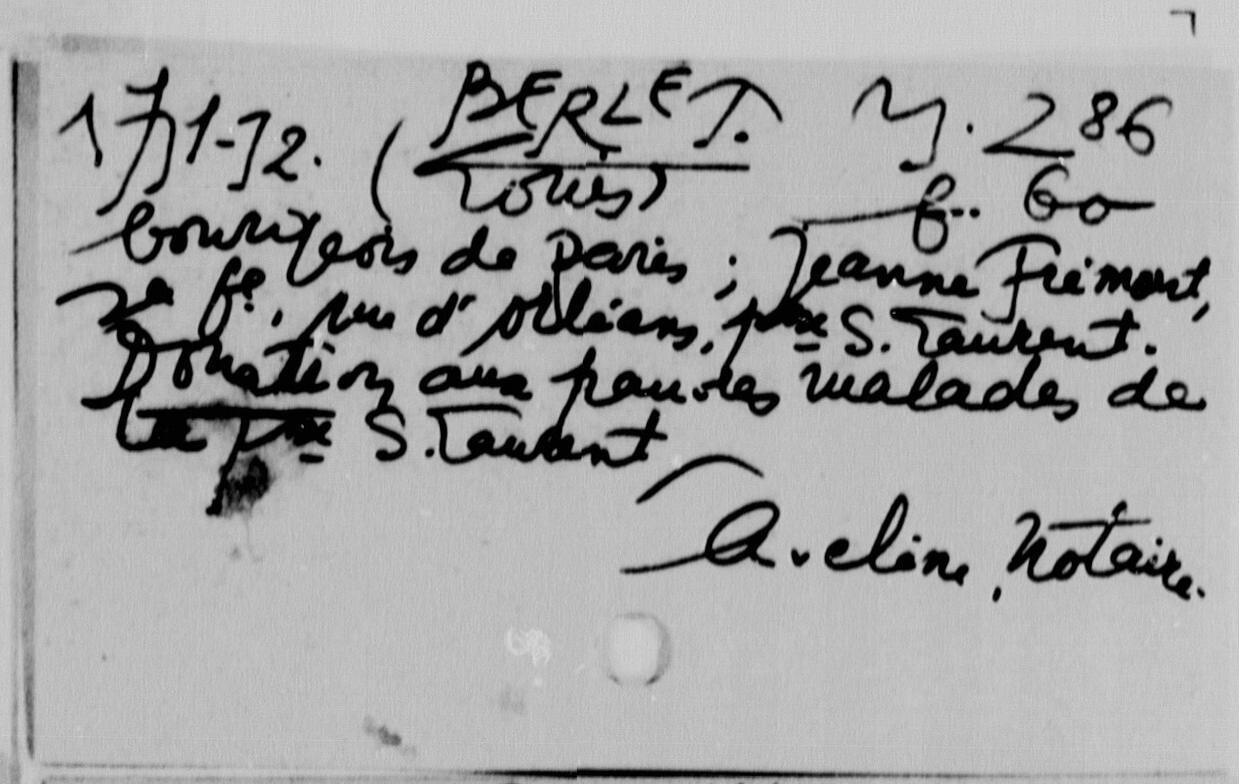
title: BERLET (Louis)
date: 1701-1712
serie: Y
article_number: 286
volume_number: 60
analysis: Bourgeois de Paris, Jeanne Frémont, sa femme, rue d'Orléans, paroisse Saint-Laurent. Donation aux pauvres malades de La paroisse Saint-Laurent. Aveline, notaire.
